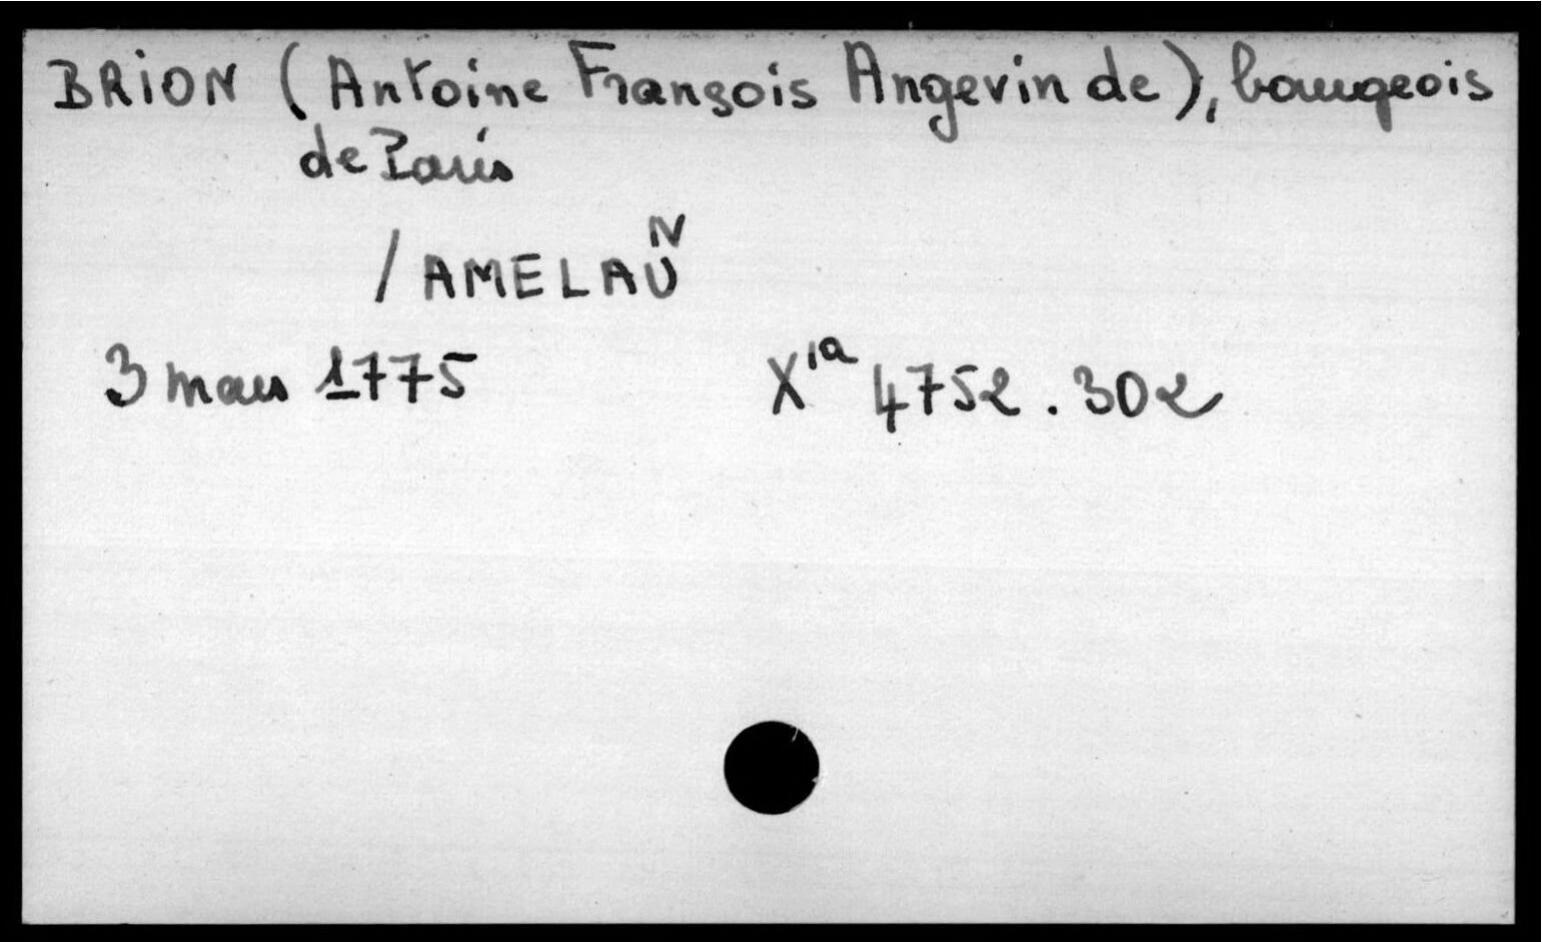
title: BRION (Antoine François Angevin de), baugeois de Paris
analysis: Contre AMELAN
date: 3 mars 1775
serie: X1a
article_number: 4752
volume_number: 302
